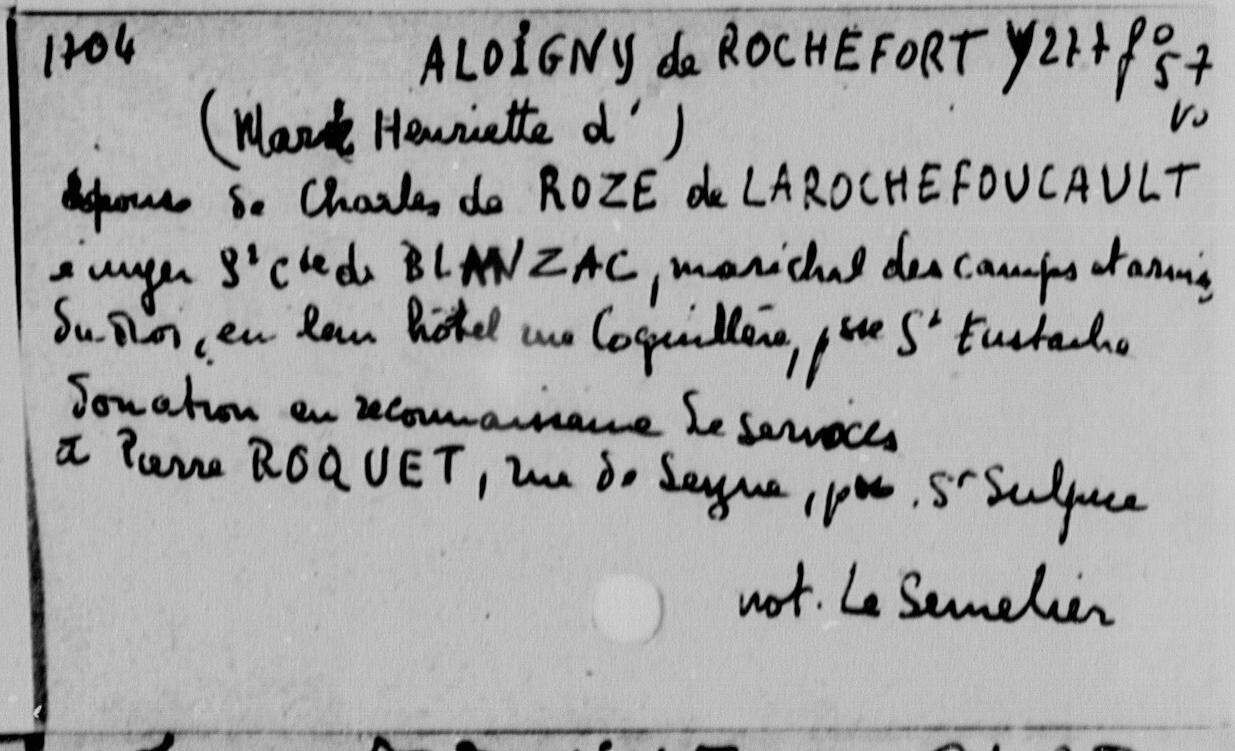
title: ALOIGNY DE ROCHEFORT (Marie Henriette d')
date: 1704
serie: Y
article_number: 277
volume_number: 57v
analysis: Épouse de Charles de ROZE DE LA ROCHEFOUCAULT, écuyer, seigneur comte de Blanzac, maréchal des camps et armées du roi, en leur hôtel rue Coquillère, paroisse Saint-Eustache. Donation en reconnaissance de services à Pierre ROQUET, rue de Seyne, paroisse Saint-Sulpice. Le Semelier, notaire.
